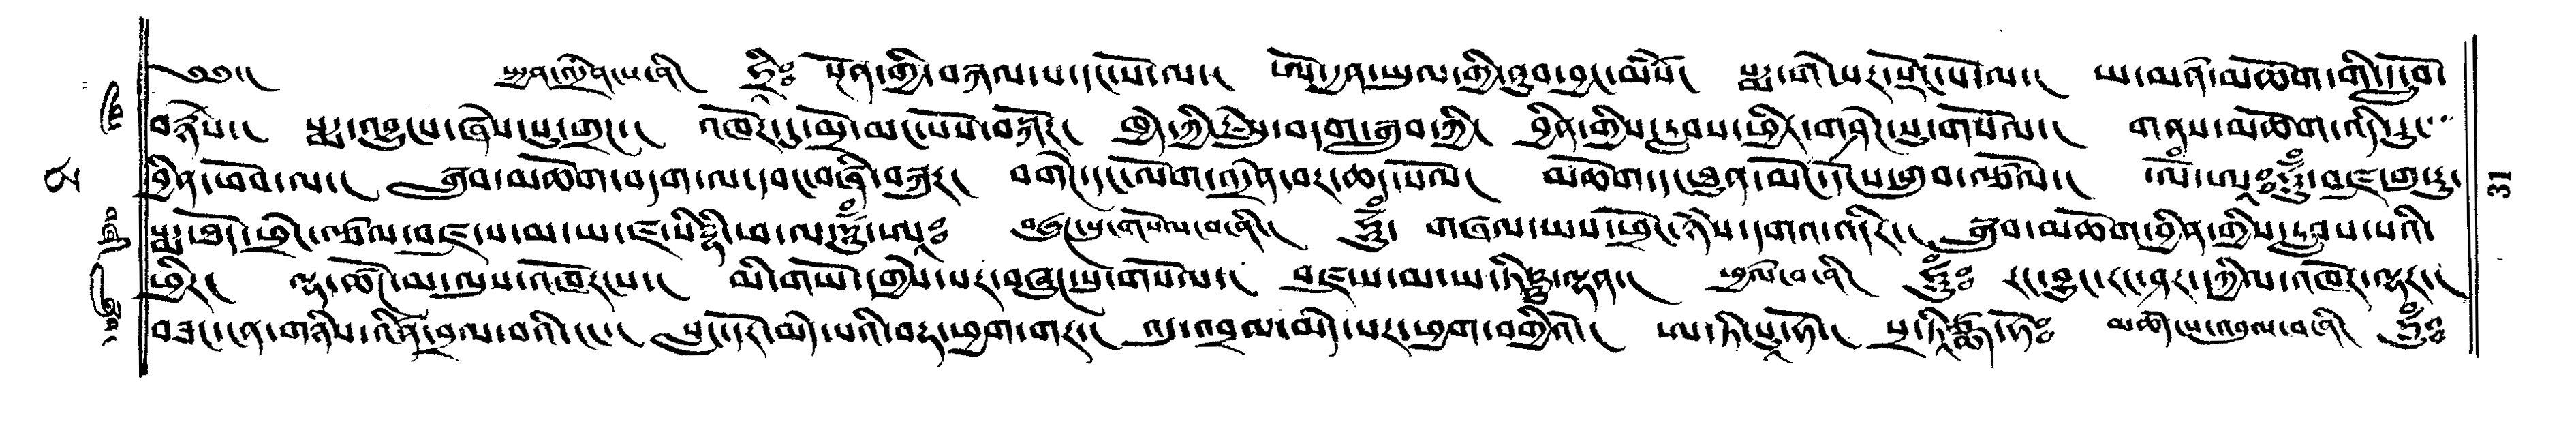སྤྱན་འདྲེན་པ་ནི། ཧྲཱིཿ སྔོན་གྱི་བསྐལ་པའི་དང་པོ་ལ། །ཨོ་རྒྱན་ཡུལ་གྱི་ནུབ་བྱང་མཚམས། །པདྨ་གེ་སར་སྡོང་པོ་ལ། །ཡ་མཚན་མཆོག་གི་དངོས་གྲུབ་
བརྙེས། །པདྨ་འབྱུང་གནས་ཞེས་སུ་གྲགས། །འཁོར་དུ་མཁའ་འགྲོ་མང་པོས་བསྐོར། ཁྱོད་ཀྱི་རྗེས་སུ་བདག་སྒྲུབ་ཀྱི། །བྱིན་གྱིས་རློབ་ཕྱིར་གཤེགས་སུ་གསོལ།གནས་མཆོག་འདི་རུ་
བྱིན་ཕོབ་ལ། །སྒྲུབ་མཆོག་བདག་ལ་དབང་བཞི་སྐུར། །བགེགས་དང་ལོག་འདྲེན་བར་ཆད་སོལ། །མཆོག་དང་ཐུན་མོང་དངོས་གྲུབ་སྩོལ། ཨོཾ་ཨཱཿཧཱུྃ་བཛྲ་གུ་རུ་
པདྨ་ཐོད་ཕྲེང་རྩལ་བཛྲ་ས་མ་ཡ་ཛ་སིདྡྷི་ཕ་ལ་ཧཱུྃ་ཨཱཿ བཞུགས་སུ་གསོལ་བ་ནི། ཧཱུྃ། གཞལ་ཡས་ཕོ་བྲང་ཉམས་དགའ་འདིར། །སྒྲུབ་མཆོག་བྱིན་གྱིས་རློབ་པའི་
ཕྱིར། །ལྷ་ཚོགས་མ་ལུས་འཁོར་དང་བཅས། །མི་གཡོ་དགྱེས་པར་བཞུགས་སུ་གསོལ། བཛྲ་ས་མ་ཡ་ཏིཥྛ་ལྷན། ཕྱག་འཚལ་བ་ནི། ཧཱུྃ། རང་བྱུང་རང་ཤར་དཀྱིལ་འཁོར་ལྷར། 
བཟང་ངན་གཉིས་འཛིན་བྲལ་བའི་ངང་། བླང་དོར་མེད་པའི་བརྡ་ཕྱག་གར། །འདུ་འབྲལ་མེད་པར་ཕྱག་བགྱིའོ། ཨ་ཏི་པཱུ་ཧོཿ པྲ་ཏཱིཙྪ་ཧོཿ མཆོད་པ་འབུལ་བ་ནི། ཧཱུྃ།